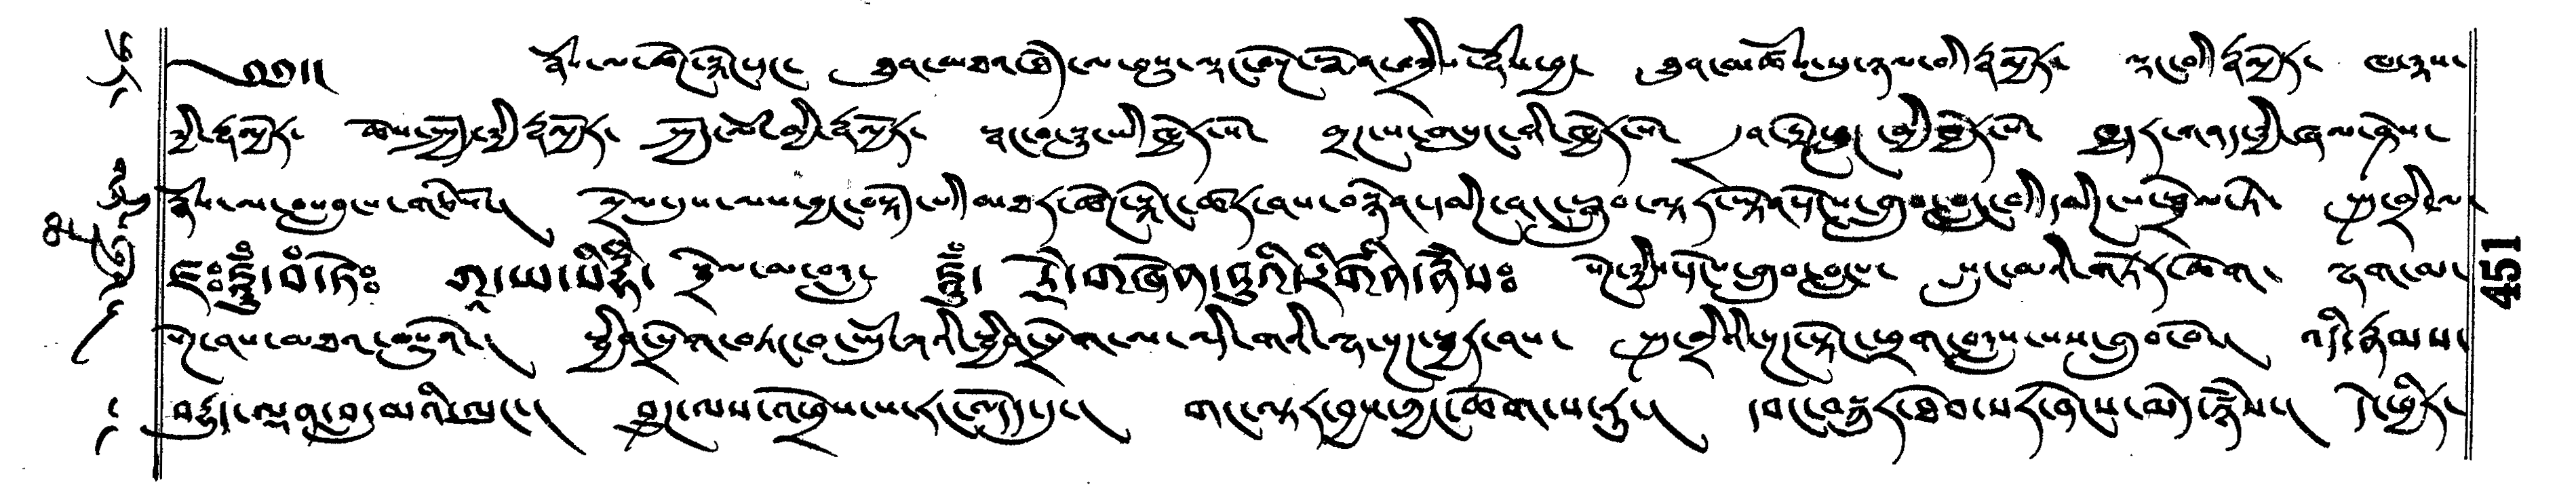རྣམས་ལ་ཚོགས་སྐོང་དང་། ཐུན་མཐའ་ཐམས་ཅད་ལ་བསྡུ་ལྡང་བསྔོ་སྨོན་བཀྲ་ཤིས་རྣམས་བྱ། ཐུན་མཚམས་སུ་ཉལ་བའི་རྣལ་འབྱོར། ལྡང་བའི་རྣལ་འབྱོར། ཁ་ཟས་
ཀྱི་རྣལ་འབྱོར། ཆོས་སྤྱོད་ཀྱི་རྣལ་འབྱོར། སྤྱོད་ལམ་གྱི་རྣལ་འབྱོར། སྣང་བ་སྐུ་ཡི་ཁྱེར་སོ། གྲགས་པ་གསུང་གི་ཁྱེར་པས། དྲན་རྟོག་ཐུགས་ཀྱི་ཁྱེར་སོ། ཁྱད་པར་གནད་ཀྱི་ཞལ་ཤེས་
རྣམས་ལ་བསླབ་པ་གཅེས་སོ། གྲོལ་དུས་ལས་བྱང་བསྟོད་པའི་མཐར་ཚོགས་སྐོང་ཚར་ནས་བསྙེན་དམིགས་ནང་སྒྲུབ་ལྟར་ཡོན་ཏན་དངོས་གྲུབ་བླང་བའི་དམིགས་པ་སྦྲེལ་ཏེ། སྤུ་གྲི་ལ། 
ཛཿཧཱུྃ་བྃ་ཧོཿ ཀཱ་ཡ་སིདྡྷི༴ སྦྲེལ་མ་བཟླ། ཧཱུྃ༔ རྡོ་རྗེ་གཞོན་ནུའི་རིག་འཛིན་རྣམས༔སོགས་ཀྱིས་དངོས་གྲུབ་བླང་། སྲུང་མའི་གཏོར་ཆོག ལྷག་མ་
སོགས་ནས་མཐའ་བསྡུའོ། སྦྱིན་སྲེག་བཏང་ན་ཡུམ་ཀའི་སྦྱིན་སྲེག་ལ་འདི་གའི་ལྷ་སྔགས་སྦྱར་ནས། སྤུ་གྲིའི་སྔགས་སྟོང་ཕྲག་བཟླས་པས་འགྲུབ་བོ། འདི་རྣམས་
བརྒྱུད་ལྡན་བླ་མའི་ལུང་། །ཤུགས་ལས་འཕྲོས་པ་རང་འདོད་དུ། །གང་ལྟར་བྱས་ཀྱང་ཆོག་པ་རུ། །དབང་བསྐུར་ཐོབ་པར་ནོངས་མེད་སྙམ། །དེ་ཕྱིར་